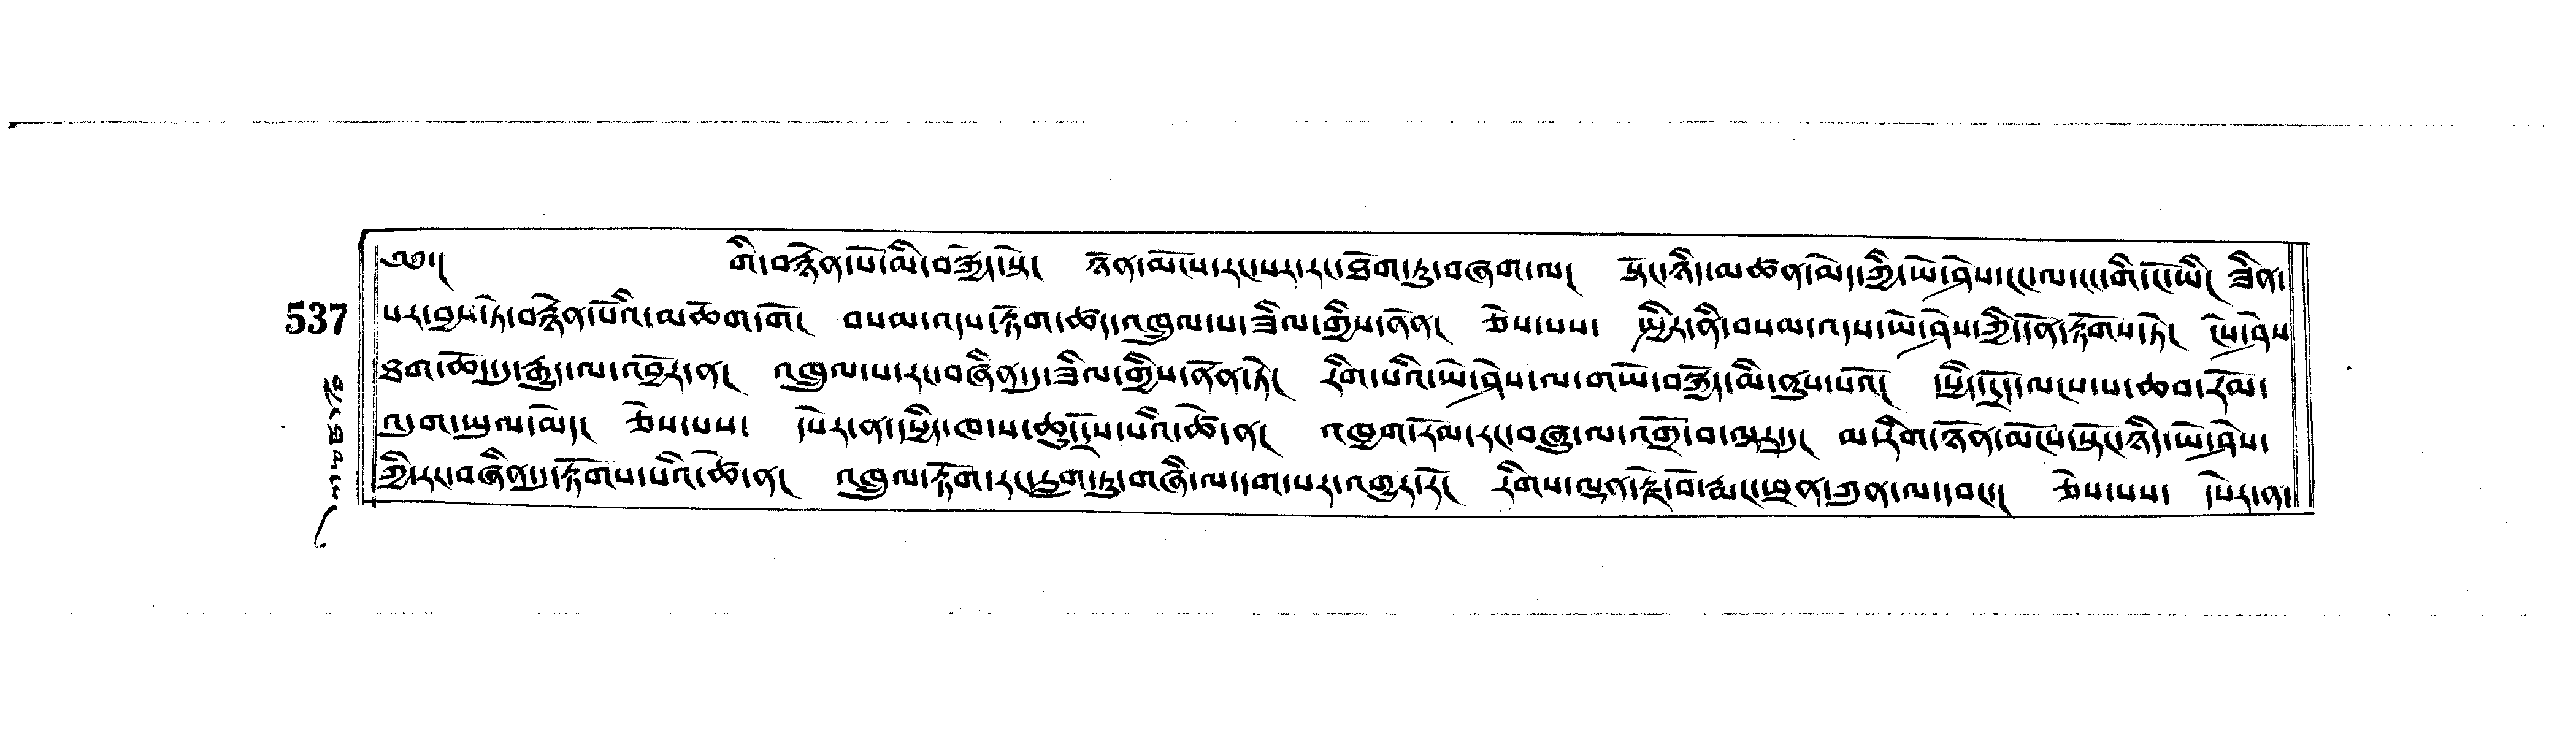གི་གཉེན་པོ་མི་བསྐྱེད་དེ། ཉོན་མོངས་རང་ས་རང་ཐོག་ཏུ་བཞག་ལ། སྟོང་ཉིད་མཚན་མེད་ཀྱི་ཡེ་ཤེས་ངང་ལ་ངང་གི་ངོ་ཡི། ཟིན་
པར་བྱས་ཏེ་གཉེན་པོའི་མཆོག་གོ། བསམ་འདས་རྟོག་ཚད་འཁྲུལ་པ་ཟིལ་གྱིས་ནོན། ཅེས་པས། སྤྱིར་ནི་བསམ་འདས་ཡེ་ཤེས་ཀྱི་དོན་རྟོགས་ཏེ། ངེས་ཤེས་
ཐག་ཆོད་དུ་རྒྱུད་ལ་འབྱོར་ན། འཁྲུལ་པ་རང་བཞིན་དུ་ཟིལ་གྱིས་ནོན་ཏེ། རིག་པའི་ཡེ་ཤེས་ལ་གཡོ་སྐྱོད་མི་ནུས་པའོ། དཔྱིད་དྲོད་ལངས་པ་ཆབ་རོམ་
འདུག་ཡུལ་མེད། ཅེས་པས། དཔེར་ན་དཔྱིད་ཁ་ས་ཆུ་དྲོས་པའི་ཚེ་ན། འཁྱག་རོམ་རང་བཞུ་ལ་འགྲོ་བ་ལྟར་དུ། མ་རིག་ཉོན་མོངས་སྟོང་ཉིད་ཡེ་ཤེས་
ཀྱི་རང་བཞིན་དུ་རྟོགས་པའི་ཚཻ་ན། འཁྲུལ་རྟོག་རང་བརླག་ཏུ་གཞི་ལ་དག་པར་འགྱུར་རོ། རིགས་ལྡན་རྗེ་བོ་རྨང་ཕྲན་ཀུན་ལ་དབང་། ཅེས་པས། དཔེར་ན་